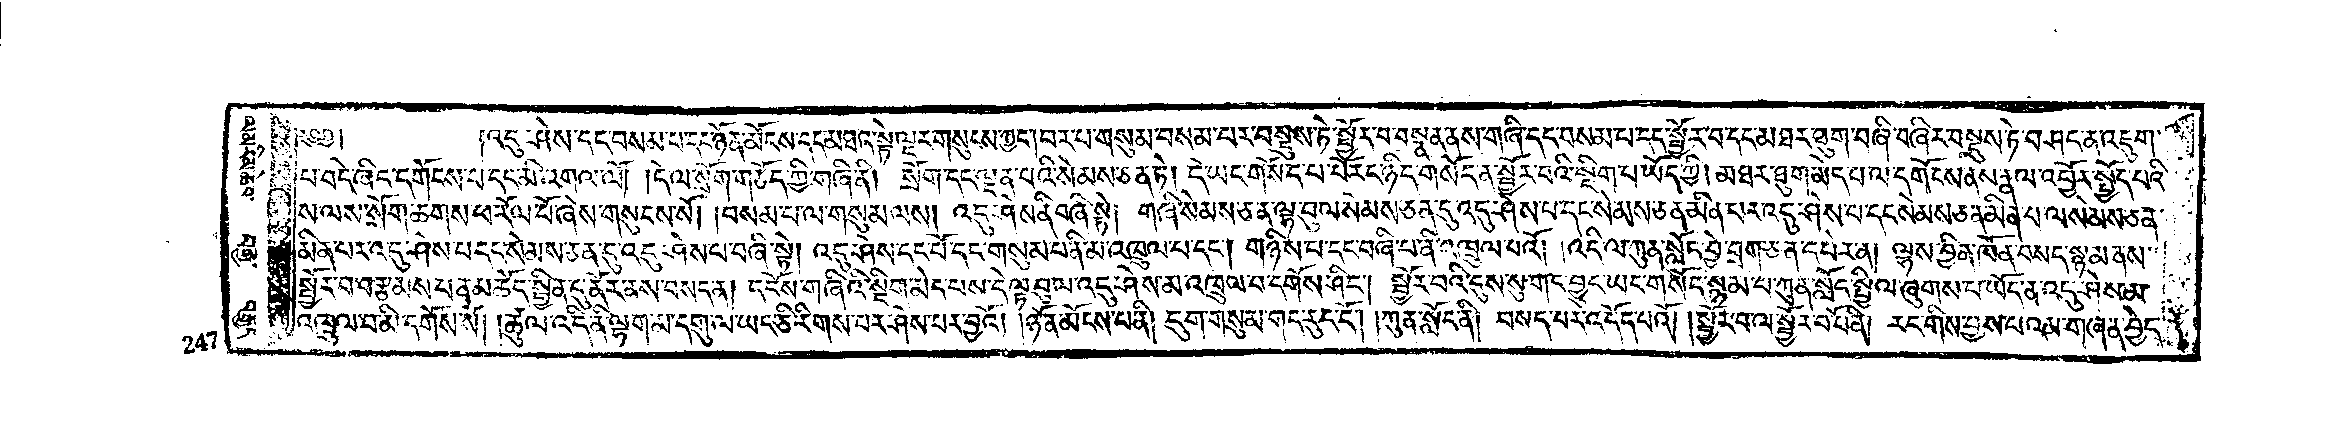༄༅། །འདུ་ཤེས་དང་བསམ་པ་དང་ཉོན་མོངས་དང་མཐའ་སྟེ་ལྔར་གསུངས་ཀྱང་། བར་པ་གསུམ་བསམ་པར་བསྡུས་ཏེ་སྦྱོར་བ་བསྣན་ནས་གཞི་དང་བསམ་པ་དང་སྦྱོར་བ་དང་མཐར་ཐུག་བཞི་བཞིར་བསྡུས་ཏེ་བཤད་ན་འཇུག་
པ་བདེ་ཞིང་དགོངས་པ་དང་མི་འགལ་ལོ། །དེ་ལ་སྲོག་གཅོད་ཀྱི་གཞི་ནི། སྲོག་དང་ལྡན་པའི་སེམས་ཅན་ཏེ། དེ་ཡང་གསོད་པ་པོ་རང་ཉིད་གསོད་ན་སྦྱོར་བའི་སྡིག་པ་ཡོད་ཀྱི། མཐར་ཐུག་མེད་པ་ལ་དགོངས་ནས་རྣལ་འབྱོར་སྤྱོད་པའི་
ས་ལས་སྲོག་ཆགས་ཕ་རོལ་པོ་ཞེས་གསུངས་སོ། །བསམ་པ་ལ་གསུམ་ལས། འདུ་ཤེས་ནི་བཞི་སྟེ། གཞི་སེམས་ཅན་ལྟ་བུ་ལ་སེམས་ཅན་དུ་འདུ་ཤེས་པ་དང་སེམས་ཅན་མིན་པར་འདུ་ཤེས་པ་དང་སེམས་ཅན་མིན་པ་ལ་སེམས་ཅན་
མིན་པར་འདུ་ཤེས་པ་དང་སེམས་ཅན་དུ་འདུ་ཤེས་པ་བཞི་སྟེ། འདུ་ཤེས་དང་པོ་དང་གསུམ་པ་ནི་མ་འཁྲུལ་བ་དང་། གཉིས་པ་དང་བཞི་པ་ནི་འཁྲུལ་བའོ། །འདི་ལ་ཀུན་སློང་བྱེ་བྲག་ཅན་དཔེར་ན། ལྷས་བྱིན་ཁོ་ན་བསད་སྙམ་ནས་
སྦྱོར་བ་བརྩམས་པ་ན་མཆོད་སྦྱིན་དུ་ནོར་ནས་བསད་ན། དངོས་གཞིའི་སྡིག་མེད་པས་དེ་ལྟ་བུ་ལ་འདུ་ཤེས་མ་འཁྲུལ་བ་དགོས་ཤིང་། སྦྱོར་བའི་དུས་སུ་གང་བྱུང་ཡང་གསོད་སྙམ་པ་ཀུན་སློང་སྤྱི་ལ་ཞུགས་པ་ཡོད་ན་འདུ་ཤེས་མ་
འཁྲུལ་བ་མི་དགོས་སོ། །ཚུལ་འདི་ནི་ལྷག་མ་དགུ་ལ་ཡང་ཅི་རིགས་པར་ཤེས་པར་བྱའོ། །ཉོན་མོངས་པ་ནི། དུག་གསུམ་གང་རུང་ངོ། །ཀུན་སློང་ནི། བསད་པར་འདོད་པའོ། །སྦྱོར་བ་ལ་སྦྱོར་བ་པོ་ནི། རང་གིས་བྱས་པའམ་གཞན་བྱེད་